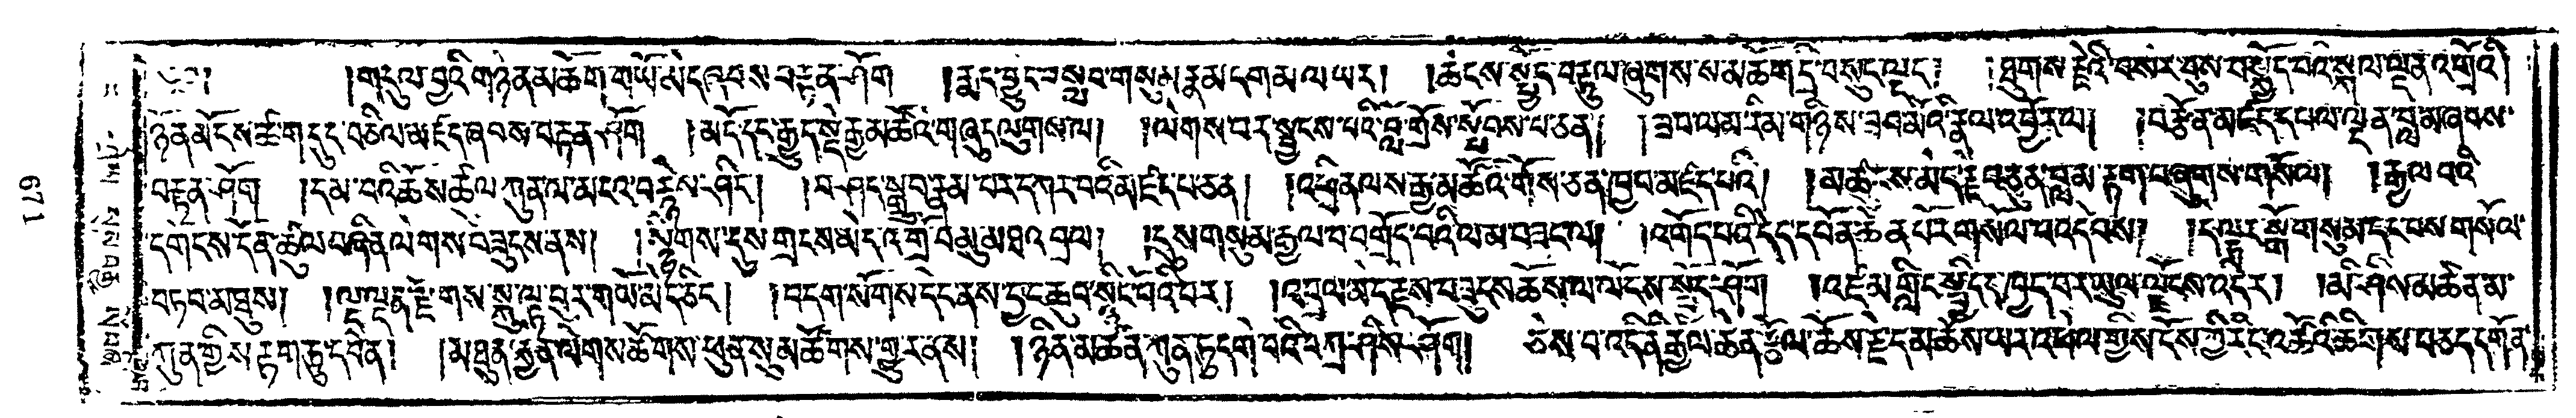༄༅། །གདུལ་བྱའི་གཉེན་མཆོག་གཡོ་མེད་ཞབས་བརྟན་ཤོག །རྨད་བྱུང་བསླབ་གསུམ་རྣམ་དག་མལ་ཡར། །ཚངས་སྤྱོད་བརྟུལ་ཞུགས་ས་མཆོག་དྲི་བསུང་ལྡང་། །ཐུགས་རྗེའི་བསེར་བུས་བསྐྱོད་བའི་སྐལ་ལྡན་འགྲོའི།
ཉོན་མོངས་ཚ་གདུང་བཅིལ་མཛད་ཞབས་བརྟན་ཤོག །མདོ་དང་རྒྱུད་སྡེ་རྒྱ་མཚོའི་གཞུང་ལུགས་ལ། །ལེགས་བར་སྦྱངས་པའི་བློ་གྲོས་སྤོབས་པ་ཅན། །ཟབ་ལམ་རིམ་གཉིས་ཟབ་མོའི་རྣལ་འབྱོར་ལ། །བརྩོན་མཛད་དཔལ་ལྡན་བླ་མ་ཞབས་
བརྟན་ཤོག །དམ་བའི་ཆོས་ཚུལ་ཀུན་ལ་མངའ་བརྙེས་ཤིང་། །བཤད་སྒྲུབ་རྣམ་པར་དཀར་བའི་མཛད་པ་ཅན། །འཕྲིན་ལས་རྒྱ་མཚོའི་གོས་ཅན་ཁྱབ་མཛད་པའི། །མཚུངས་མེད་རྗེ་བཙུན་བླ་མ་རྟག་བཞུགས་གསོལ། །རྒྱལ་བའི་
དགོངས་དོན་ཚུལ་བཞིན་ལེགས་བཟུངས་ནས། །སྙིགས་དུས་གྲངས་མེད་འགྲོ་བ་མུ་མཐའ་བྲལ། །དུས་གསུམ་རྒྱལ་བ་བགྲོད་བའི་ལམ་བཟང་ལ། །འགོད་པའི་དེད་དཔོན་ཆེན་པོར་གསོལ་བ་འདེབས། །དེ་ལྟར་སྒོ་གསུམ་དང་པས་གསོལ་
བཏབ་མཐུས། །ལྔ་ལྡན་རྫོགས་སྐུ་ལྟ་བུར་གཡོ་མེད་ཅིང་། །བདག་སོགས་དེང་ནས་བྱང་ཆུབ་སྙིང་བོའི་བར། །འབྲལ་མེད་རྗེས་བཟུངས་ཆོས་ལ་ལོངས་སྤྱོད་ཤོག །འཛམ་གླིང་སྤྱིད་ད་ཁྱད་བར་ཡུལ་ལྗོངས་འདིར། །མི་ཤིས་མཚན་མ་
ཀུན་གྱིས་རྟག་ཏུ་དབེན། །མཐུན་རྐྱེན་ལེགས་ཚོགས་ཕུན་སུམ་ཚོགས་གྱུར་ནས། །ཉིན་མཚན་ཀུན་ཏུ་དགེ་བའི་བཀྲ་ཤིས་ཤོག། ཅེས་བ་འདི་ནི་རྒྱལ་ཆེན་རྩོལ་ཆོས་རྗེ་དམ་ཆོས་ཡར་འཕེལ་གྱིས་ངོས་ཀྱི་རིང་འཚོའི་ཆིགས་བཅད་དགོན་